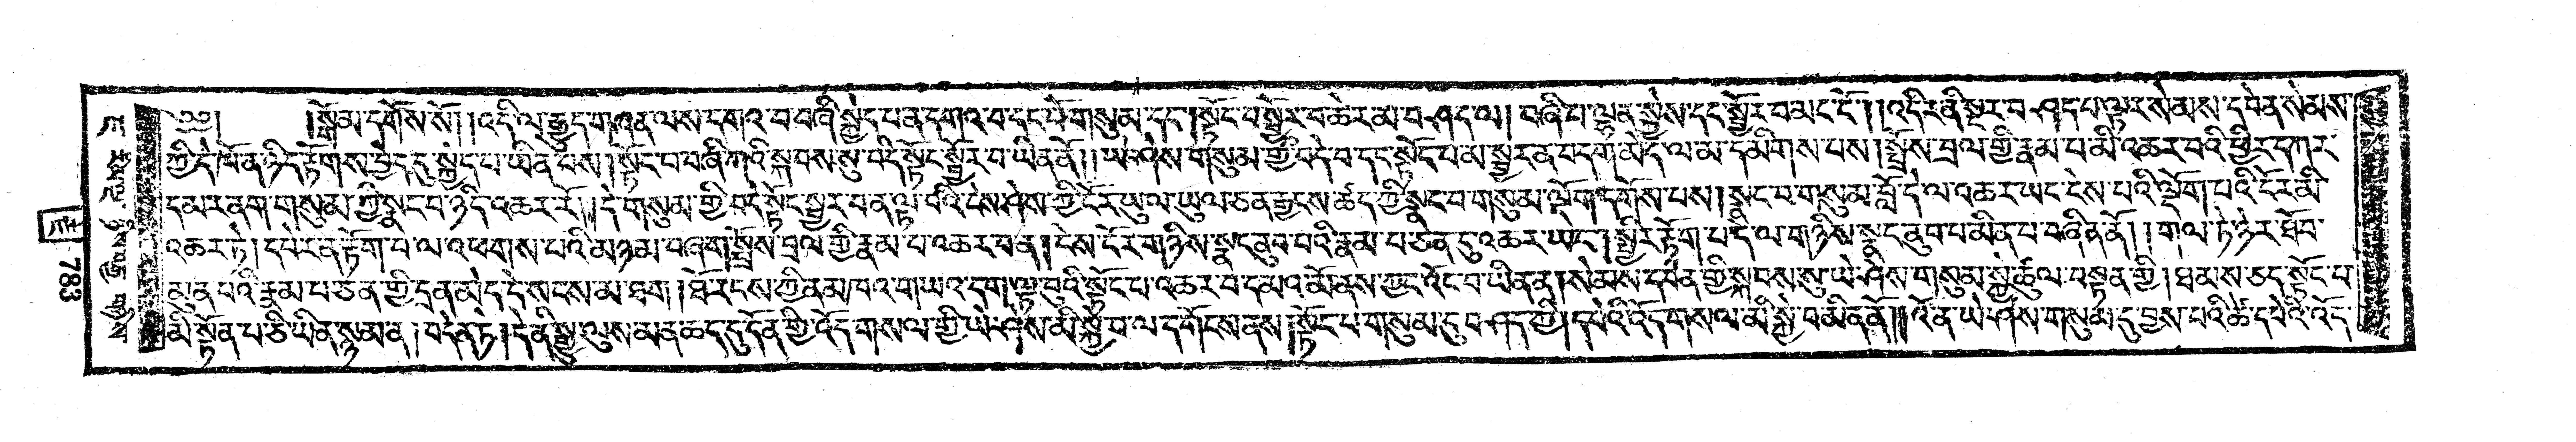༄༅། །སྒོམ་དགོས་སོ། །འདི་ལ་རྒྱུད་གཞན་ལས་དགའ་བ་བཞི་སྐྱེད་པ་ན་དགའ་བ་དང་པོ་གསུམ་དང་། སྟོང་པ་སྦྱོར་བ་ཆེ་རམ་?་བཤད་ལ། བཞི་པ་ལྷན་སྐྱེས་དང་སྦྱོར་བ་མང་ངོ། །འདིར་ནི་སྔར་བཤད་པ་ལྟར་སེམས་དབེན་སེམས་
ཀྱི་དེ་ཁོ་ན་ཉིད་རྟོགས་བྱེད་དུ་སྐྱེད་པ་ཡིན་པས། སྟོང་པ་བཞི་ཀའི་སྐབས་སུ་བདེ་སྟོང་སྦྱོར་བ་ཡིན་ནོ། །ཡེ་ཤེས་གསུམ་གྱི་བདེ་བ་དང་སྟོང་པ་མ་སྦྱར་ན་བདག་མེད་ལ་མ་དམིགས་པས། སྤྲོས་བྲལ་གྱི་རྣམ་པ་མི་འཆར་བའི་ཕྱིར་དཀར་
དམར་ནག་གསུམ་ཀྱི་སྣང་བ་ཉིད་འཆར་རོ། །དེ་གསུམ་གྱི་བདེ་སྟོང་སྦྱར་བ་ན་ལྟ་བའི་ངེས་ཤེས་ཀྱི་ངོར་ཡུལ་ཡུལ་ཅན་རྒྱངས་ཚད་ཀྱི་སྣང་བ་གསུམ་ལྡོག་དགོས་པས། སྣང་བ་གསུམ་བློ་དེ་ལ་འཆར་ཡང་ངེས་པའི་ལྡོག་པའི་ངོར་མི་
འཆར་ཏེ། དཔེར་ན་རྟོག་པ་ལ་འཕགས་པའི་མཉམ་བཞག་སྤྲོས་བྲལ་གྱི་རྣམ་པ་འཆར་བ་ན། ངེས་ངོར་གཉིས་སྣང་ནུབ་པའི་རྣམ་པ་ཅན་དུ་འཆར་ཡང་། སྤྱིར་རྟོག་པ་དེ་ལ་གཉིས་སྣང་ནུབ་པ་མིན་པ་བཞིན་ནོ། །གལ་ཏེ་ཉེར་ཐོབ་
མུན་པའི་རྣམ་པ་ཅན་གྱི་དྲན་མེད་དེ་སངས་མ་ཐག །ཐོ་རངས་ཀྱི་ནམ་མཁའ་གཡའ་དག་ལྟ་བུའི་སྟོང་པ་འཆར་བ་དམའ་མོ་ནས་ཀྱང་འོང་བ་ཡིན་ན། སེམས་དབེན་གྱི་སྐབས་སུ་ཡེ་ཤེས་གསུམ་སྐྱེ་ཚུལ་བསྟན་གྱི། ཐམས་ཅད་སྟོང་པ་
མི་སྟོན་པ་ཅི་ཡིན་སྙམ་ན། བདེན་ཏེ། དེ་ནི་སྒྱུ་ལུས་མན་ཆད་དུ་དོན་གྱི་འོད་གསལ་གྱི་ཡེ་ཤེས་མི་སྐྱེ་བ་ལ་དགོངས་ནས། སྟོང་པ་གསུམ་དུ་བཤད་ཀྱི། དཔེའི་འོད་གསལ་མི་སྐྱེ་བ་མིན་ནོ། །འོ་ན་ཡེ་ཤེས་གསུམ་དུ་བྱས་པའི་ཚེ་དཔེའི་འོད་